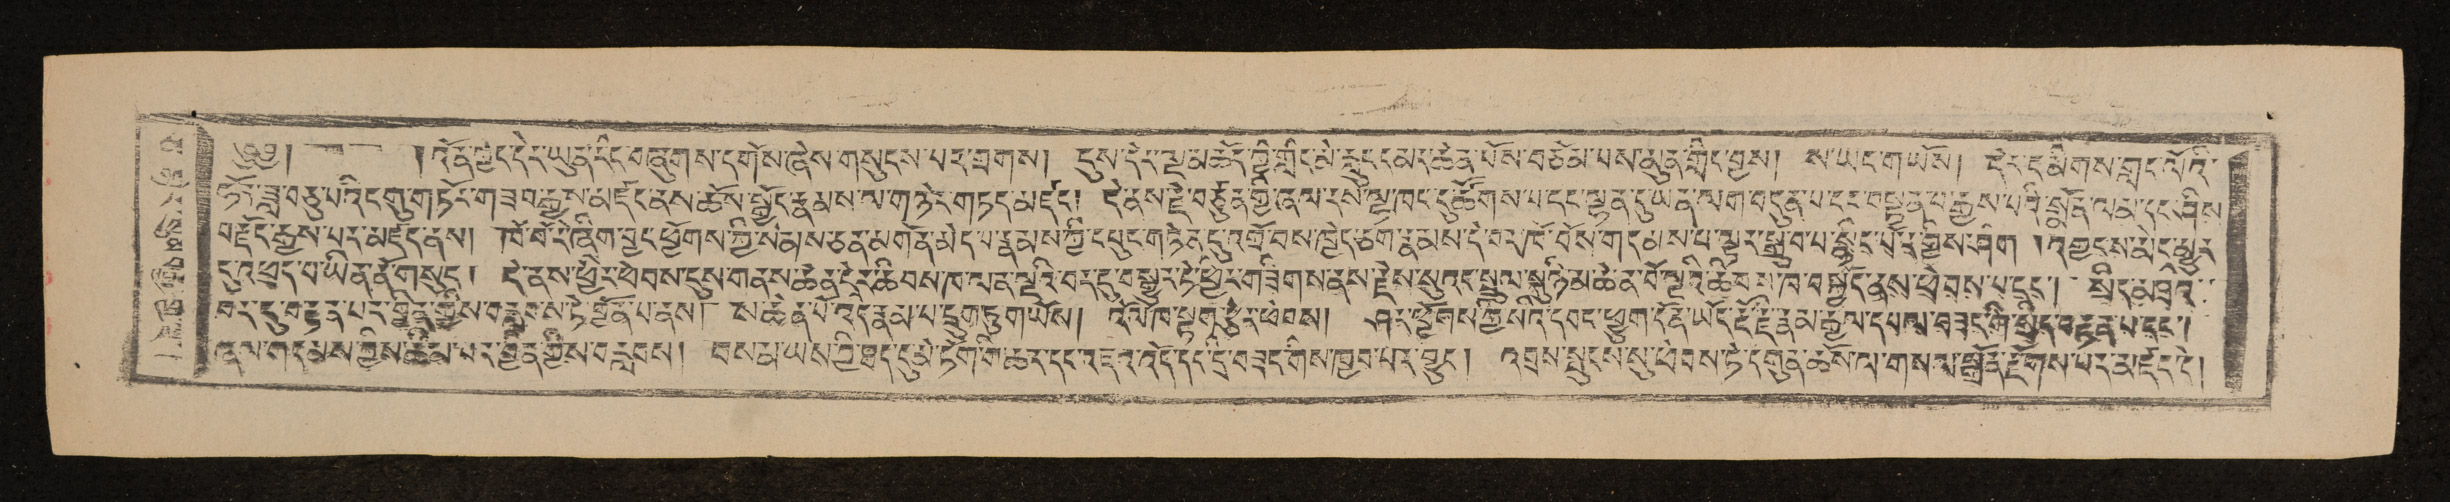༄༅། །འོན་ཀྱང་དེར་ཡུན་རིང་བཞུགས་དགོས་ཞེས་གསུངས་པར་གྲགས། དུས་དེར་ལྔ་མཆོད་ཀྱི་གླིང་མེ་རླུང་དམར་ཆེན་པོས་བཅོམ་པས་མུན་གླིང་བྱས། ས་ཡང་གཡོས། དེར་དམིགས་གླང་ལོའི་
ཧོར་ཟླ་བཅུ་པའི་དགུ་གཏོར་གཟབ་རྒྱས་མཛད་ནས་ཆོས་སྐྱོང་རྣམས་ལ་གཉེར་གཏད་མཛད། དེ་ནས་རྗེ་བཙུན་གྱི་ཞལ་རས་ལྷ་ཁང་དུ་ཚོགས་པ་དང་ལྷན་དུ་ཡན་ལག་བདུན་པ་དང་བསྟན་པ་རྒྱས་པའི་སྨོན་ལམ་དང་ཤིས་
བརྗོད་རྒྱས་པར་མཛད་ནས། ཁོ་བོ་རེ་ཞིག་བྱང་ཕྱོགས་ཀྱི་སེམས་ཅན་མགོན་མེད་པ་རྣམས་ཀྱི་དཔུང་གཉེན་དུ་འགྲོ་བས་ཁྱེད་ཅག་རྣམས་དེ་བར་ཁོ་བོས་གདམས་པ་ལྟར་སྒྲུབ་པ་སྙིང་པོར་གྱིས་ཤིག །འགྱངས་མེད་མྱུར་
དུ་འཕྲད་པ་ཡིན་ནོ་གསུང་། དེ་ནས་ཕྱིར་ཕེབས་དུས་གནས་ཆེན་དེར་ཆིབས་ཁ་ལན་ལྔའི་བར་དུ་བསྒྱུར་ཏེ་ཕྱིར་གཟིགས་ནས་རྗེས་སུའང་སྤྲུལ་སྐུ་ཉི་མ་ཆེན་པོ་ལྔའི་ཆིབས་ཁ་བསྐྱོད་ནས་ཕེབས་པ་དང་། སྲིད་མཐའི་
བར་དུ་བརྟན་པར་བྱིན་གྱིས་བརླབས་ཏེ་བྱོན་པ་ནས། ས་ཆེན་པོ་འདི་རྣམ་པ་དྲུག་ཏུ་གཡོས། འོལ་ཁ་སྟག་རྩེར་ཕེབས། ཤར་ཕྱོགས་ཀྱི་སའི་དབང་ཕྱུག་དོན་ཡོད་རྡོ་རྗེ་རྣམ་རྒྱལ་དཔལ་བཟང་གི་སྲིད་བརྟན་པ་དང་།
ཞལ་གདམས་ཀྱིས་ཚིམ་པར་བྱིན་གྱིས་བརླབས། བསམ་ཡས་ཀྱི་ཐད་དུ་མེ་ཏོག་གི་ཆར་དང་འཇའ་འོད་དང་དྲི་བཟང་གིས་ཁྱབ་པར་བྱུང་། འབྲས་སྤུངས་སུ་ཕེབས་ཏེ་དགུན་ཆོས་ལ་གསལ་སྒྲོན་རྫོགས་པར་མཛད་དེ།